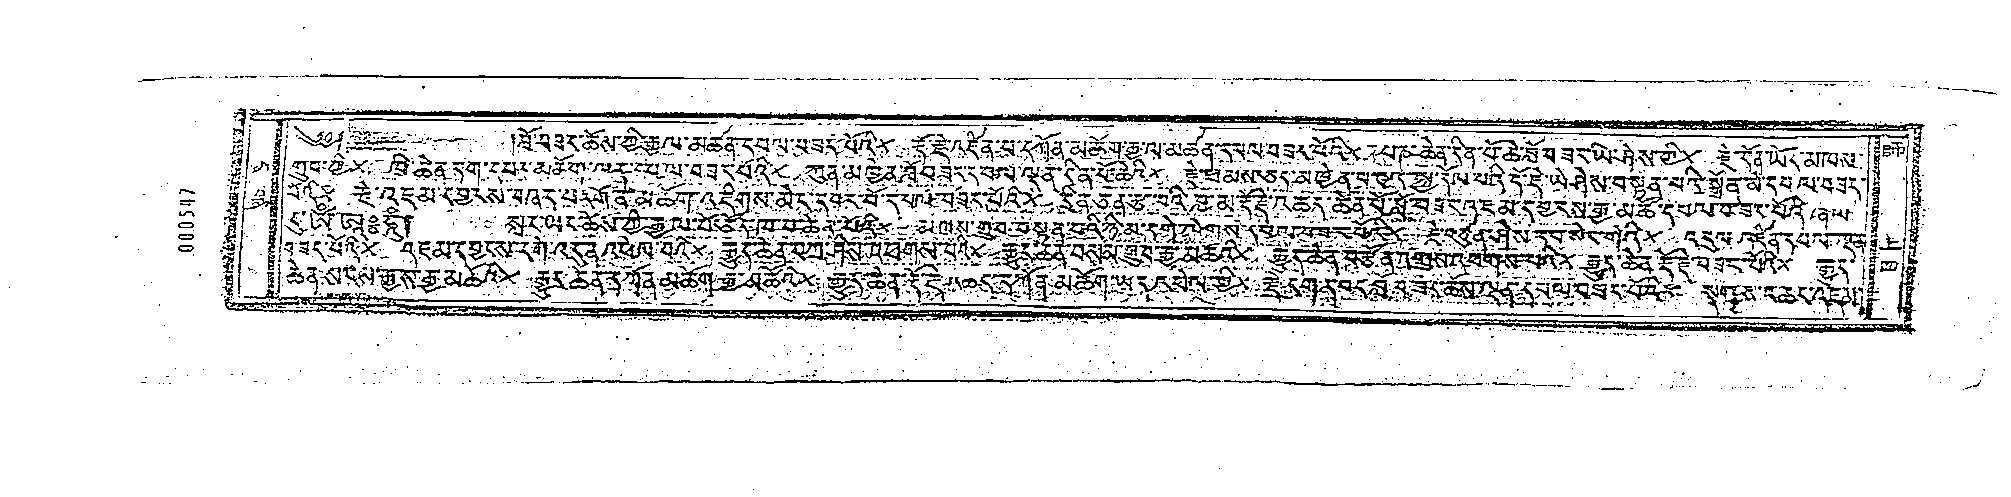༄༅། །བློ་བཟང་ཆོས་ཀྱི་རྒྱལ་མཚན་དཔལ་བཟང་པོའི་྾་རྡོ་རྗེ་འཛིན་པ་དཀོན་མཆོག་རྒྱལ་མཚན་དཔལ་བཟང་པོའི་྾་པཎ་ཆེན་རིན་པོ་ཆེ་བློ་བཟང་ཡེ་ཤེས་ཀྱི་྾་རྗེ་དོན་ཡོད་མཁས་
གྲུབ་ཀྱི་྾་ཁྲི་ཆེན་ངག་དབང་མཆོག་ལྡན་དཔལ་བཟང་པོའི་྾་ཀུན་མཁྱེན་བློ་བཟང་དཔལ་ལྡན་རིན་པོ་ཆེའི་྾་རྗེ་ཐམས་ཅད་མཁྱེན་པ་ལྕང་སྐྱ་དོལ་པའི་རྡོ་རྗེ་ཡེ་ཤེས་བསྟན་པའི་སྒྲོན་མེ་དཔལ་བཟང་
བོའི་྾་རྗེ་འཇམ་དཔྱངས་བཞད་པ་དཀོན་མཆོག་འཇིགས་མེད་དབང་པོ་དཔལ་བཟང་པོའི་྾་དྲིན་ཅན་རྩ་བའི་བླ་མ་རྡོ་རྗེ་འཆང་ཆེན་པོ་བློ་བཟང་འཇམ་དབྱངས་རྒྱ་མཚོ་དཔལ་བཟང་པོའི་ཞལ་
དུ་ཨོཾ་ཨཱཿ་ཧཱུཾ། སླར་ཡང་ཆོས་ཀྱི་རྒྱལ་བོ་ཙོང་ཁ་བ་ཆེན་པོའི་྾་མཁས་གྲུབ་བསྟན་པའི་ཉི་མ་དགེ་ལེགས་དཔལ་བཟང་པོའི་྾་རྗེ་བཙུན་ཤེས་རབ་སེང་གེའི་྾་འདུལ་འཛིན་དཔལ་ལྡན་
བཟང་བོའི་྾་འཇམ་དབྱངས་དགེ་འདུན་འཕེལ་བའི་྾་རྒྱུན་ཆེན་བཀྲ་ཤིས་འཕགས་པའི་྾་རྒྱུད་ཆེན་བསམ་གྲུབ་རྒྱ་མཚོའི་྾་རྒྱུད་ཆེན་བརྩོན་འགྲུས་འཕགས་པའི་྾་རྒྱུད་ཆེན་རྡོ་རྗེ་བཟང་པོའི་྾་རྒྱུད་
ཆེན་སངས་རྒྱས་རྒྱ་མཚོའི་྾་རྒྱུད་ཆེན་དཀོན་མཆོག་རྒྱ་མཚོའི་྾་རྒྱུད་ཆེན་རྡོ་རྗེ་འཆང་དཀོན་མཆོག་ཡང་འཕེལ་གྱི་྾་རྗེ་ངག་དབང་བློ་བཟང་ཆོས་ལྡན་དཔལ་བཟང་པོའི་྾་སྔགས་འཆང་འཇམ་